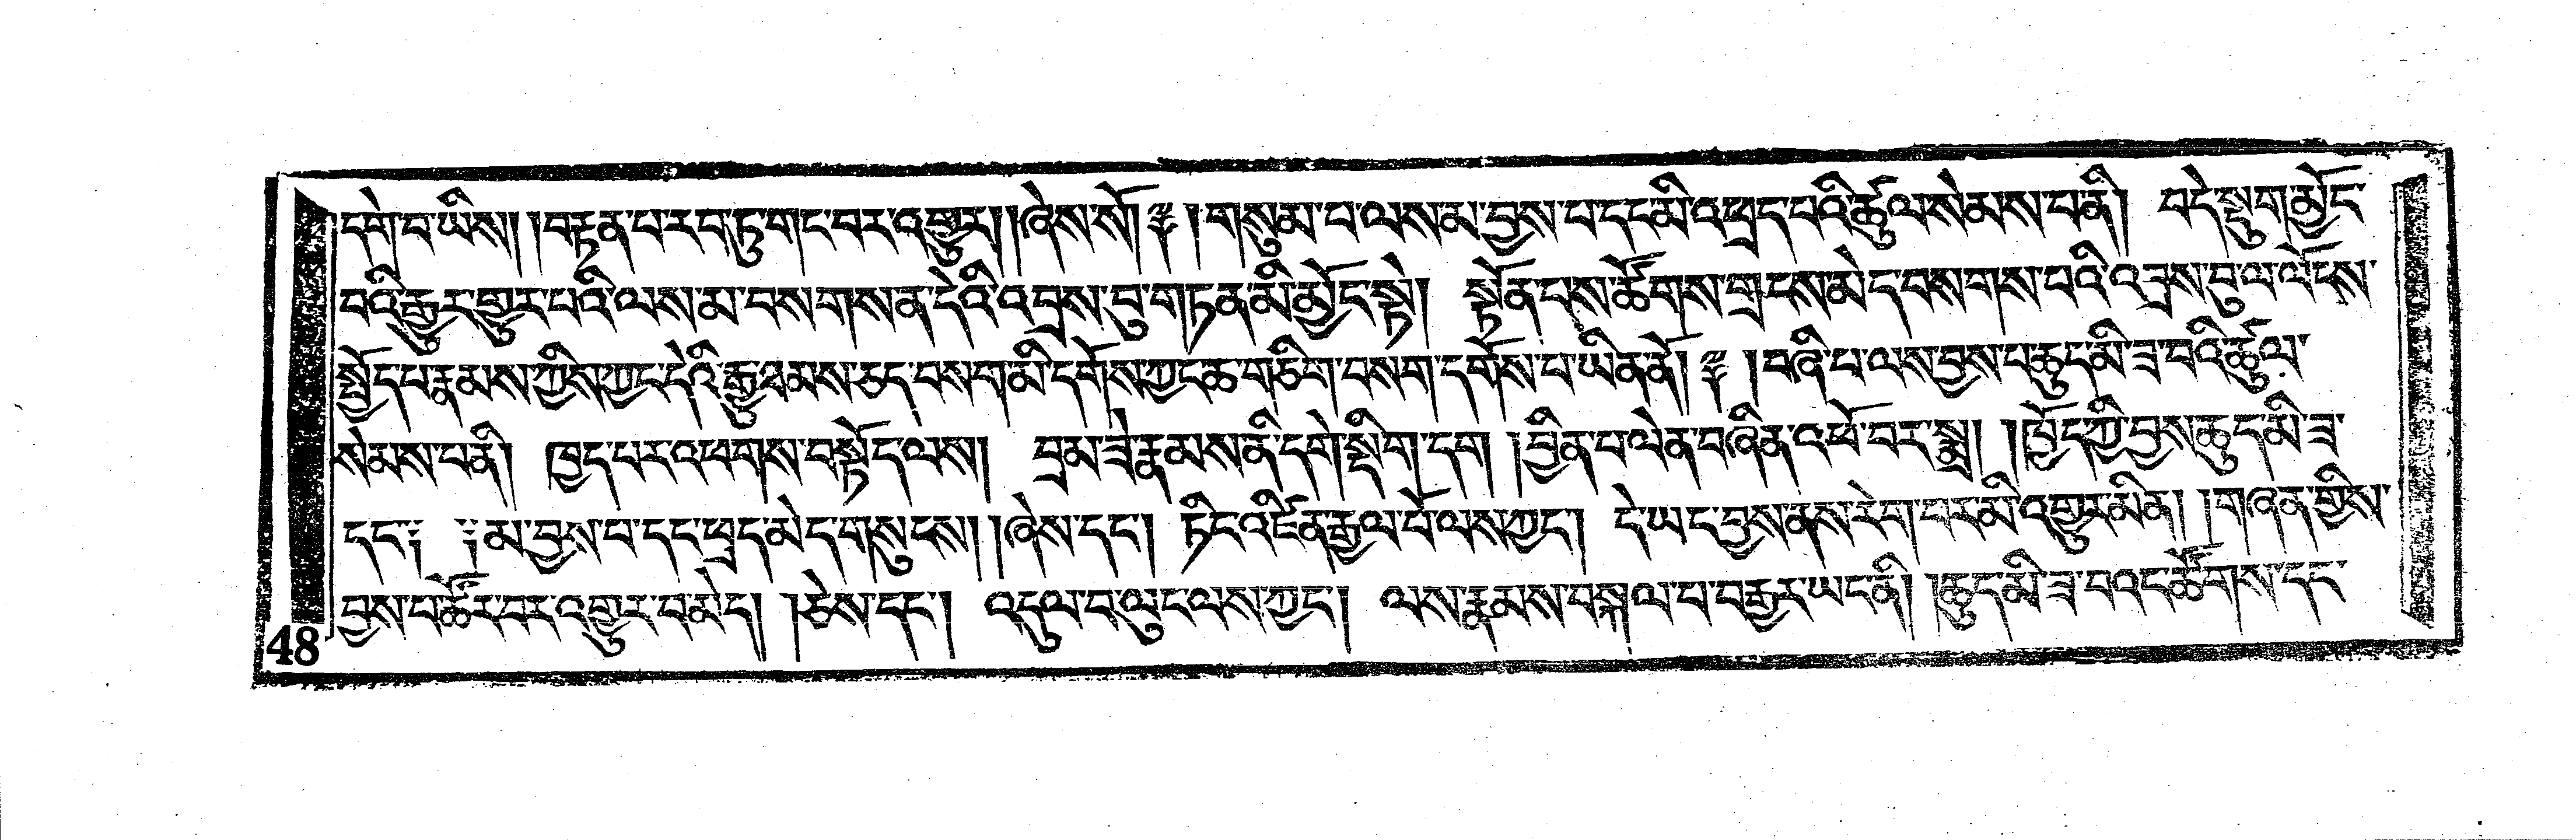དགེ་བ་ཡིས། །བརྟན་པ་རབ་ཏུ་གང་བར་འགྱུར། །ཞེས་སོ། ༈ །གསུམ་པ་ལས་མ་བྱས་པ་དང་མི་འཕྲད་པའི་ཚུལ་སེམས་པ་ནི། བདེ་སྡུག་མྱོང་
བའི་རྒྱུར་གྱུར་པའི་ལས་མ་བསགས་ན་དེའི་འབྲས་བུ་གཏན་མི་མྱོང་སྟེ། སྟོན་པས་ཚོགས་གྲངས་མེད་བསགས་པའི་འབྲས་བུ་ལ་ལོངས་
སྤྱོད་པ་རྣམས་ཀྱིས་ཀྱང་དེའི་རྒྱུ་ཐམས་ཅད་བསག་མི་དགོས་ཀྱང་ཆ་གཅིག་བསག་དགོས་པ་ཡིན་ནོ། ༈ །བཞི་པ་ལས་བྱས་པ་ཆུད་མི་ཟ་བའི་ཚུལ་
སེམས་པ་ནི། ཁྱད་པར་འཕགས་བསྟོད་ལས། བྲམ་ཟེ་རྣམས་ནི་དགེ་སྡིག་དག །བྱིན་པ་ལེན་བཞིན་འཕོ་བར་སྨྲ། །ཁྱོད་ཀྱི་བྱས་ཆུད་མི་ཟ་
དང༑ ༑མ་བྱས་པ་དང་ཕྲད་མེད་གསུངས། །ཞེས་དང་། ཏིང་འཛིན་རྒྱལ་པོ་ལས་ཀྱང་། དེ་ཡང་བྱས་ནས་རེག་པར་མི་འགྱུར་མིན། །གཞན་གྱིས་
བྱས་པ་ཚོར་བར་འགྱུར་པ་མེད། །ཅེས་དང་། འདུལ་བ་ལུང་ལས་ཀྱང་། ལས་རྣམས་བསྐལ་པ་བརྒྱར་ཡང་ནི། །ཆུད་མི་ཟ་བའང་ཚོགས་དང་